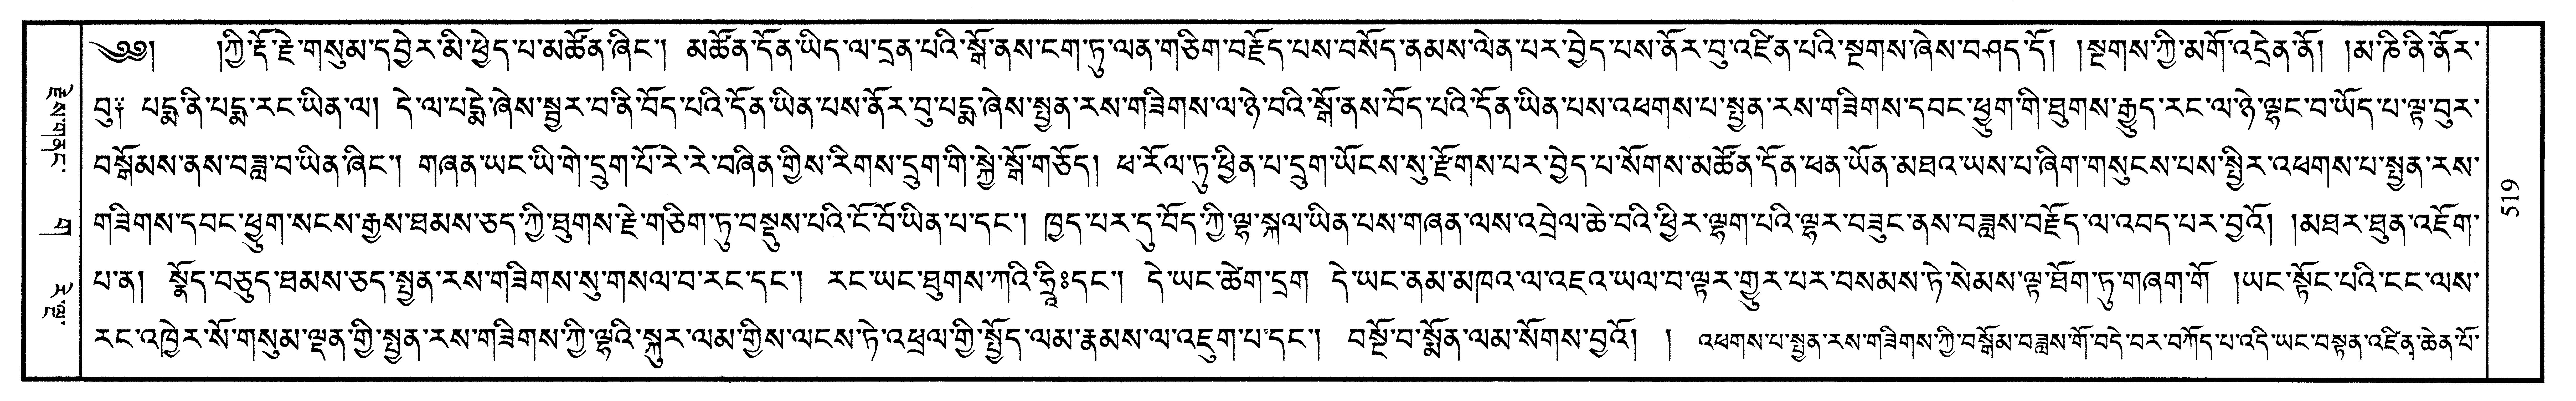༄༅། །ཀྱི་རྡོ་རྗེ་གསུམ་དབྱེར་མི་ཕྱེད་པ་མཚོན་ཞིང་། མཚོན་དོན་ཡིད་ལ་དྲན་པའི་སྒོ་ནས་ངག་ཏུ་ལན་གཅིག་བརྗོད་པས་བསོད་ནམས་ལེན་པར་བྱེད་པས་ནོར་བུ་འཛིན་པའི་སྔགས་ཞེས་བཤད་དོ། །སྔགས་ཀྱི་མགོ་འདྲེན་ནོ། །མ་ཎི་ནི་ནོར་
བུ། པདམ་ནི་པདམ་རང་ཡིན་ལ། དེ་ལ་པདམེ་ཞེས་སྦྱར་བ་ནི་བོད་པའི་དོན་ཡིན་པས་ནོར་བུ་པདམ་ཞེས་སྤྱན་རས་གཟིགས་ལ་ཉེ་བའི་སྒོ་ནས་བོད་པའི་དོན་ཡིན་པས་འཕགས་པ་སྤྱན་རས་གཟིགས་དབང་ཕྱུག་གི་ཐུགས་རྒྱུད་རང་ལ་ཉེ་ལྷང་བ་ཡོད་པ་ལྟ་བུར་
བསྒོམས་ནས་བཟླ་བ་ཡིན་ཞིང་། གཞན་ཡང་ཡི་གེ་དྲུག་པོ་རེ་རེ་བཞིན་གྱིས་རིགས་དྲུག་གི་སྐྱེ་སྒོ་གཅོད། ཕ་རོལ་ཏུ་ཕྱིན་པ་དྲུག་ཡོངས་སུ་རྫོགས་པར་བྱེད་པ་སོགས་མཚོན་དོན་ཕན་ཡོན་མཐའ་ཡས་པ་ཞིག་གསུངས་པས་སྤྱིར་འཕགས་པ་སྤྱན་རས་
གཟིགས་དབང་ཕྱུག་སངས་རྒྱས་ཐམས་ཅད་ཀྱི་ཐུགས་རྗེ་གཅིག་ཏུ་བསྡུས་པའི་ངོ་བོ་ཡིན་པ་དང་། ཁྱད་པར་དུ་བོད་ཀྱི་ལྷ་སྐལ་ཡིན་པས་གཞན་ལས་འབྲེལ་ཆེ་བའི་ཕྱིར་ལྷག་པའི་ལྷར་བཟུང་ནས་བཟླས་བརྗོད་ལ་འབད་པར་བྱའོ། །མཐར་ཐུན་འཇོག་
པ་ན། སྣོད་བཅུད་ཐམས་ཅད་སྤྱན་རས་གཟིགས་སུ་གསལ་བ་རང་དང་། རང་ཡང་ཐུགས་ཀའི་ཧྲཱིཿ དང་། དེ་ཡང་ཚེག་དྲག་དེ་ཡང་ནམ་མཁའ་ལ་འཇའ་ཡལ་བ་ལྟར་གྱུར་པར་བསམས་ཏེ་སེམས་ལྟ་ཐོག་ཏུ་གཞག་གོ །ཡང་སྟོང་པའི་ངང་ལས་
རང་འཁྱེར་སོ་གསུམ་ལྡན་གྱི་སྤྱན་རས་གཟིགས་ཀྱི་ལྷའི་སྐུར་ལམ་གྱིས་ལངས་ཏེ་འཕྲལ་གྱི་སྤྱོད་ལམ་རྣམས་ལ་འཇུག་པ་དང་། བསྔོ་བ་སྨོན་ལམ་སོགས་བྱའོ། །འཕགས་པ་སྤྱན་རས་གཟིགས་ཀྱི་བསྒོམ་བཟླས་གོ་བདེ་བར་བཀོད་པ་འདི་ཡང་བསྟན་འཛིན་ཆེན་པོ་